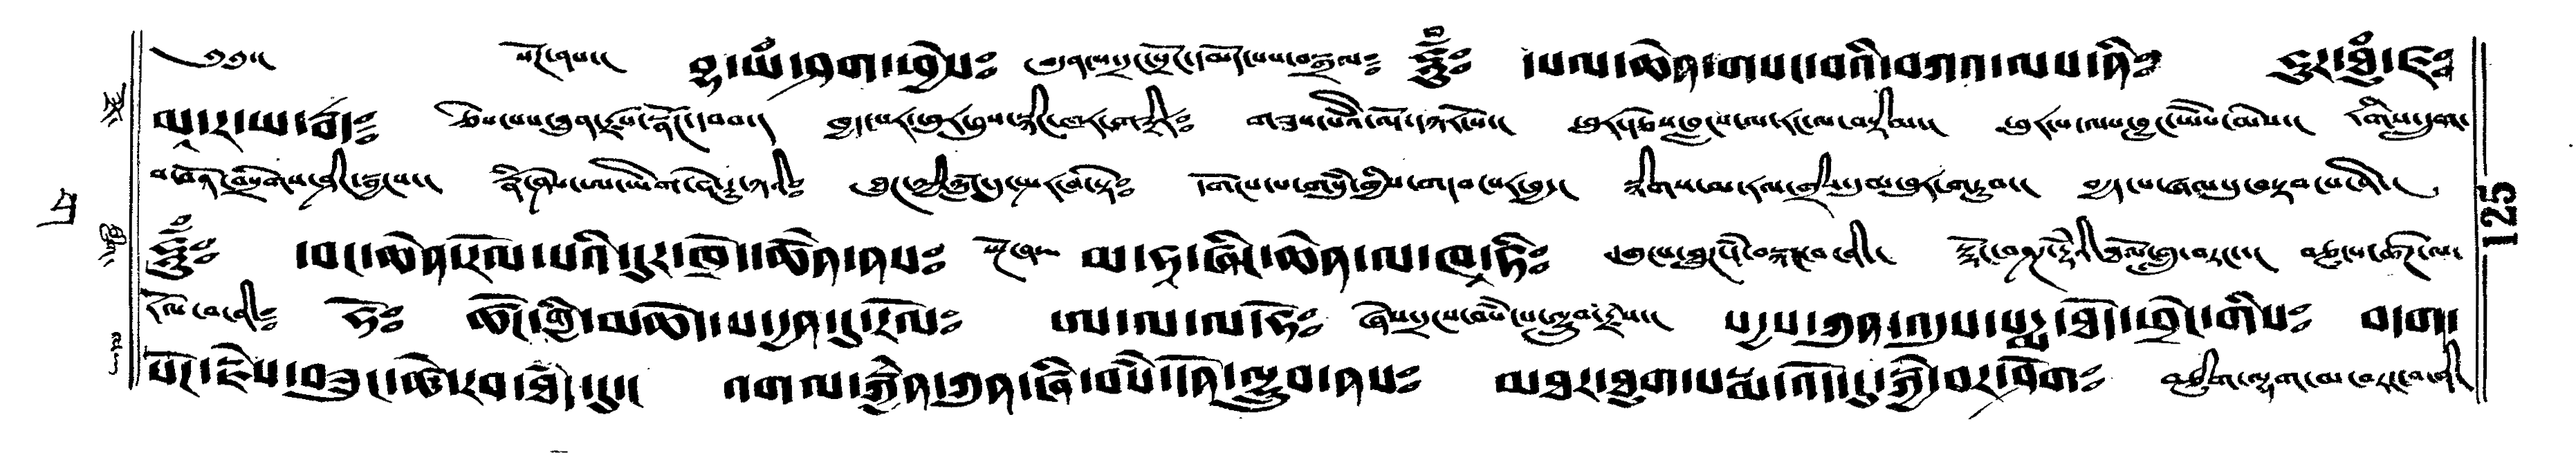བྷ་ཡཾ་ཤག་ཕྱེས༔ བདུན་པ་དྲང་སྲོང་དམོད་པས་སྒྲོལ༔ ཧཱུྃ༔ དཔལ་ཆེན་གསང་བའི་བཀའ་ལས་ནི༔ སོགས་ནས། ཧུར་ཐུཾ་ཛཿ
མཱ་ར་ཡ་རྦད༔ ཅེས་པས་ཐུན་རྫས་སྣ་ཚོགས་དབབ། ཁྱད་པར་ཕུར་བུས་སྙིང་ཁར་གཟིར། །གཟས་པོའི་ཚེ་བསོད་འོད་དཀར་པོ། །ཕུར་རྩེས་བླངས་ལ་རང་ལ་བསྟིམ། །ཕུར་པ་ལས་བྱུང་ཡེ་ཤེས་མེས། །རིགས་དྲུག་
ས་བོན་བསྲེགས་ཤིང་སྦྱངས། །རྣམ་ཤེས་ཨ་ཡིག་ཧེ་རུ་ཀའི། །ཐུགས་ཀྱི་ཀློང་དུ་སྤར་བ་སྟེ། །དགོངས་པ་གསུམ་གྱིས་གདབ་པར་བྱ། །སྙིགས་མ་རལ་གྲིས་དུམ་བུར་གཏུབས། །བརྒྱད་པ་ཞལ་དུ་སྟོབ་པ་ནི། 
ཧཱུྃ༔ དབང་ཆེན་རོལ་པའི་དུར་ཁྲོད་ཆེན་པོ་ནས༔ སོགས་ནས། མ་ཧཱ་ཞིང་ཆེན་ལ་ཁཱ་ཧི༔ དགུ་པ་ཐུགས་དམ་སྐོང་བ་ནི། །སྐོང་བཤགས་རྡོ་རྗེའི་ཐོལ་གླུ་བཏང་། །བཅུ་པ་ཚོགས་ལ་
རོལ་བ་ནི༔། ཧོ༔ ཚོགས་ཀྱི་མཆོད་པ་རྒྱན་དུ་རོལ༔ ཨ་ལ་ལ་ཧོ༔ ཞེས་དྲངས་བསམ་པ་ལྷུན་གྲུབ་རྗེས། སངས་རྒྱས་ཀུན་འདུས་པདྨ་ཐོད་ཕྲེང་གིས། །བདག་
སོགས་རྗེས་བཟུང་ཚེ་རབས་ཐམས་ཅད་དུ། །འགལ་རྐྱེན་ཀུན་ཞི་བསམ་དོན་ལྷུན་གྲུབ་ནས། །མཐར་ཐུག་པདྨ་འོད་དུ་སྐྱེ་བར་ཤོག བཅུ་གཅིག་ལྷག་མ་བཏང་བ་ནི།